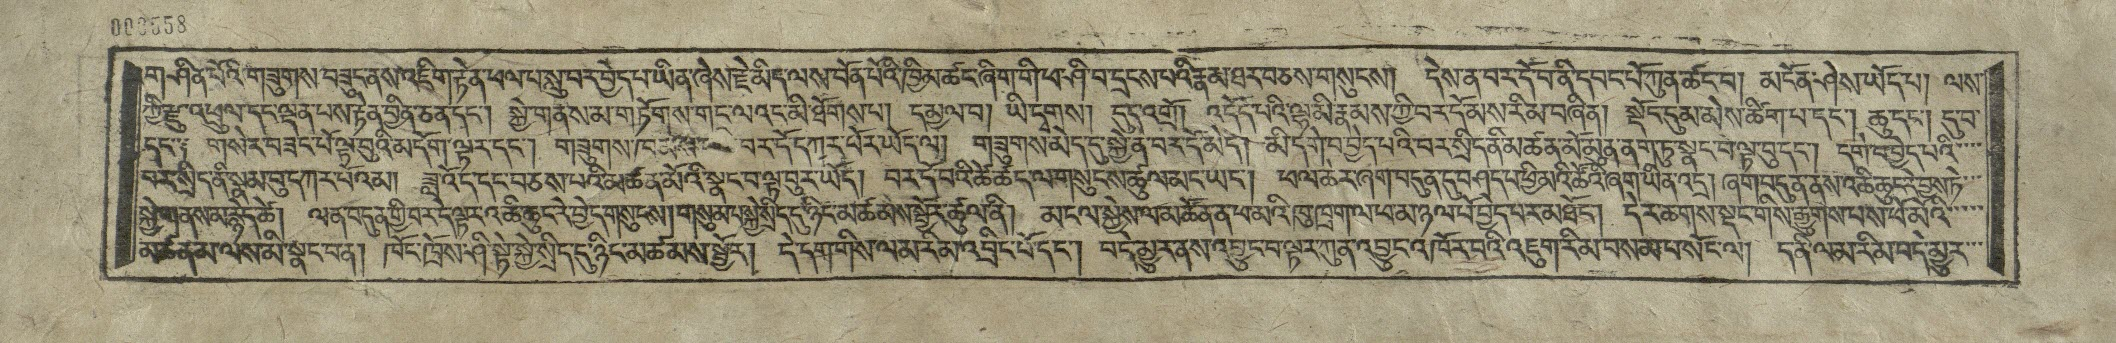གཤིན་པོའི་གཟུགས་བཟུང་ནས་འཇིག་རྟེན་ཕལ་པ་སླུ་བར་བྱེད་པ་ཡིན་ཞེས་རྗེ་མིད་ལས་བོན་པོའི་ཁྱིམ་ཚང་ཞིག་གི་ཕ་ཤི་བ་དྲངས་པའི་རྣམ་ཐར་བཅས་གསུངས། དེས་ན་བར་དོ་བ་ནི་དབང་པོ་ཀུན་ཚང་བ། མངོན་ཤེས་ཡོད་པ། ལས་
ཀྱི་རྫུ་འཕྲུལ་དང་ལྡན་པས་རྟེན་བྱིན་ཅན་དང་། སྐྱེ་གནས་མ་གཏོགས་གང་ལའང་མི་ཐོགས་པ། དམྱལ་བ། ཡི་{དྭགས།}་དུད་འགྲོ། འདོད་པའི་ལྷ་མི་རྣམས་ཀྱི་བར་དོ་མས་རིམ་བཞིན། སྡོང་དུམ་མེས་ཚིག་པ་དང་། ཆུ་དང་། དུ་བ་
དང༑ གསེར་བཟང་པོ་ལྟ་བུའི་མདོག་ལྟར་དང་། གཟུགས་ཁམས་པའི་བར་དོ་དཀར་པོར་ཡོད་ལ། གཟུགས་མེད་དུ་སྐྱེ་ན་བར་དོ་མེད། མི་དགེ་བ་བྱེད་པའི་བར་སྲིད་ནི་མཚན་མོ་མུན་ནག་ཏུ་སྣང་བ་ལྟ་བུ་དང་། དགེ་བ་བྱེད་པའི་
བར་སྲིད་ནི་སྣམ་བུ་དཀར་པོའམ། ཟླ་འོད་དང་བཅས་པའི་མཚན་མོའི་སྣང་བ་ལྟ་བུར་ཡོད། བར་དོ་བའི་ཚེ་ཚད་ལ་གསུངས་ཚུལ་མང་ཡང་། ཕལ་ཆེར་ཞག་བདུན་དུ་བཤད་པ་ཕྱི་མའི་ཚོའི་ཞག་ཡིན་འདྲ། ཞག་བདུན་ནས་འཆི་ཆུང་རེ་བྱས་ཏེ་
སྐྱེ་གནས་མ་རྙེད་ཚེ། ལན་བདུན་གྱི་བར་དེ་ལྟར་འཆི་ཆུང་རེ་བྱེད་གསུངས། གསུམ་པ་སྐྱེ་སྲིད་དུ་ཉིང་མཚམས་སྦྱོར་ཚུལ་ནི། མངལ་སྐྱེས་ལ་མཚོན་ན་ཕ་མའི་ཁུ་ཁྲག་ལ་ཕ་མ་ཉལ་པོ་བྱེད་པར་མཐོང་། དེར་ཆགས་སྡང་གིས་རྒྱུགས་པས་ཕོ་མོའི་
མཚན་མ་ལས་མི་སྣང་བ་ན། ཁོང་ཁྲོས་ཤི་སྟེ་སྐྱེ་སྲིད་དུ་ཉིང་མཚམས་སྦྱོར། དེ་དག་གིས་ལམ་རིམ་འབྲིང་པོ་དང་། བདེ་མྱུར་ནས་འབྱུང་བ་ལྟར་ཀུན་འབྱུང་འཁོར་བའི་འཇུག་རིམ་བསམ་པ་སོང་ལ། ད་ནི་ལམ་རིམ་བདེ་མྱུར་